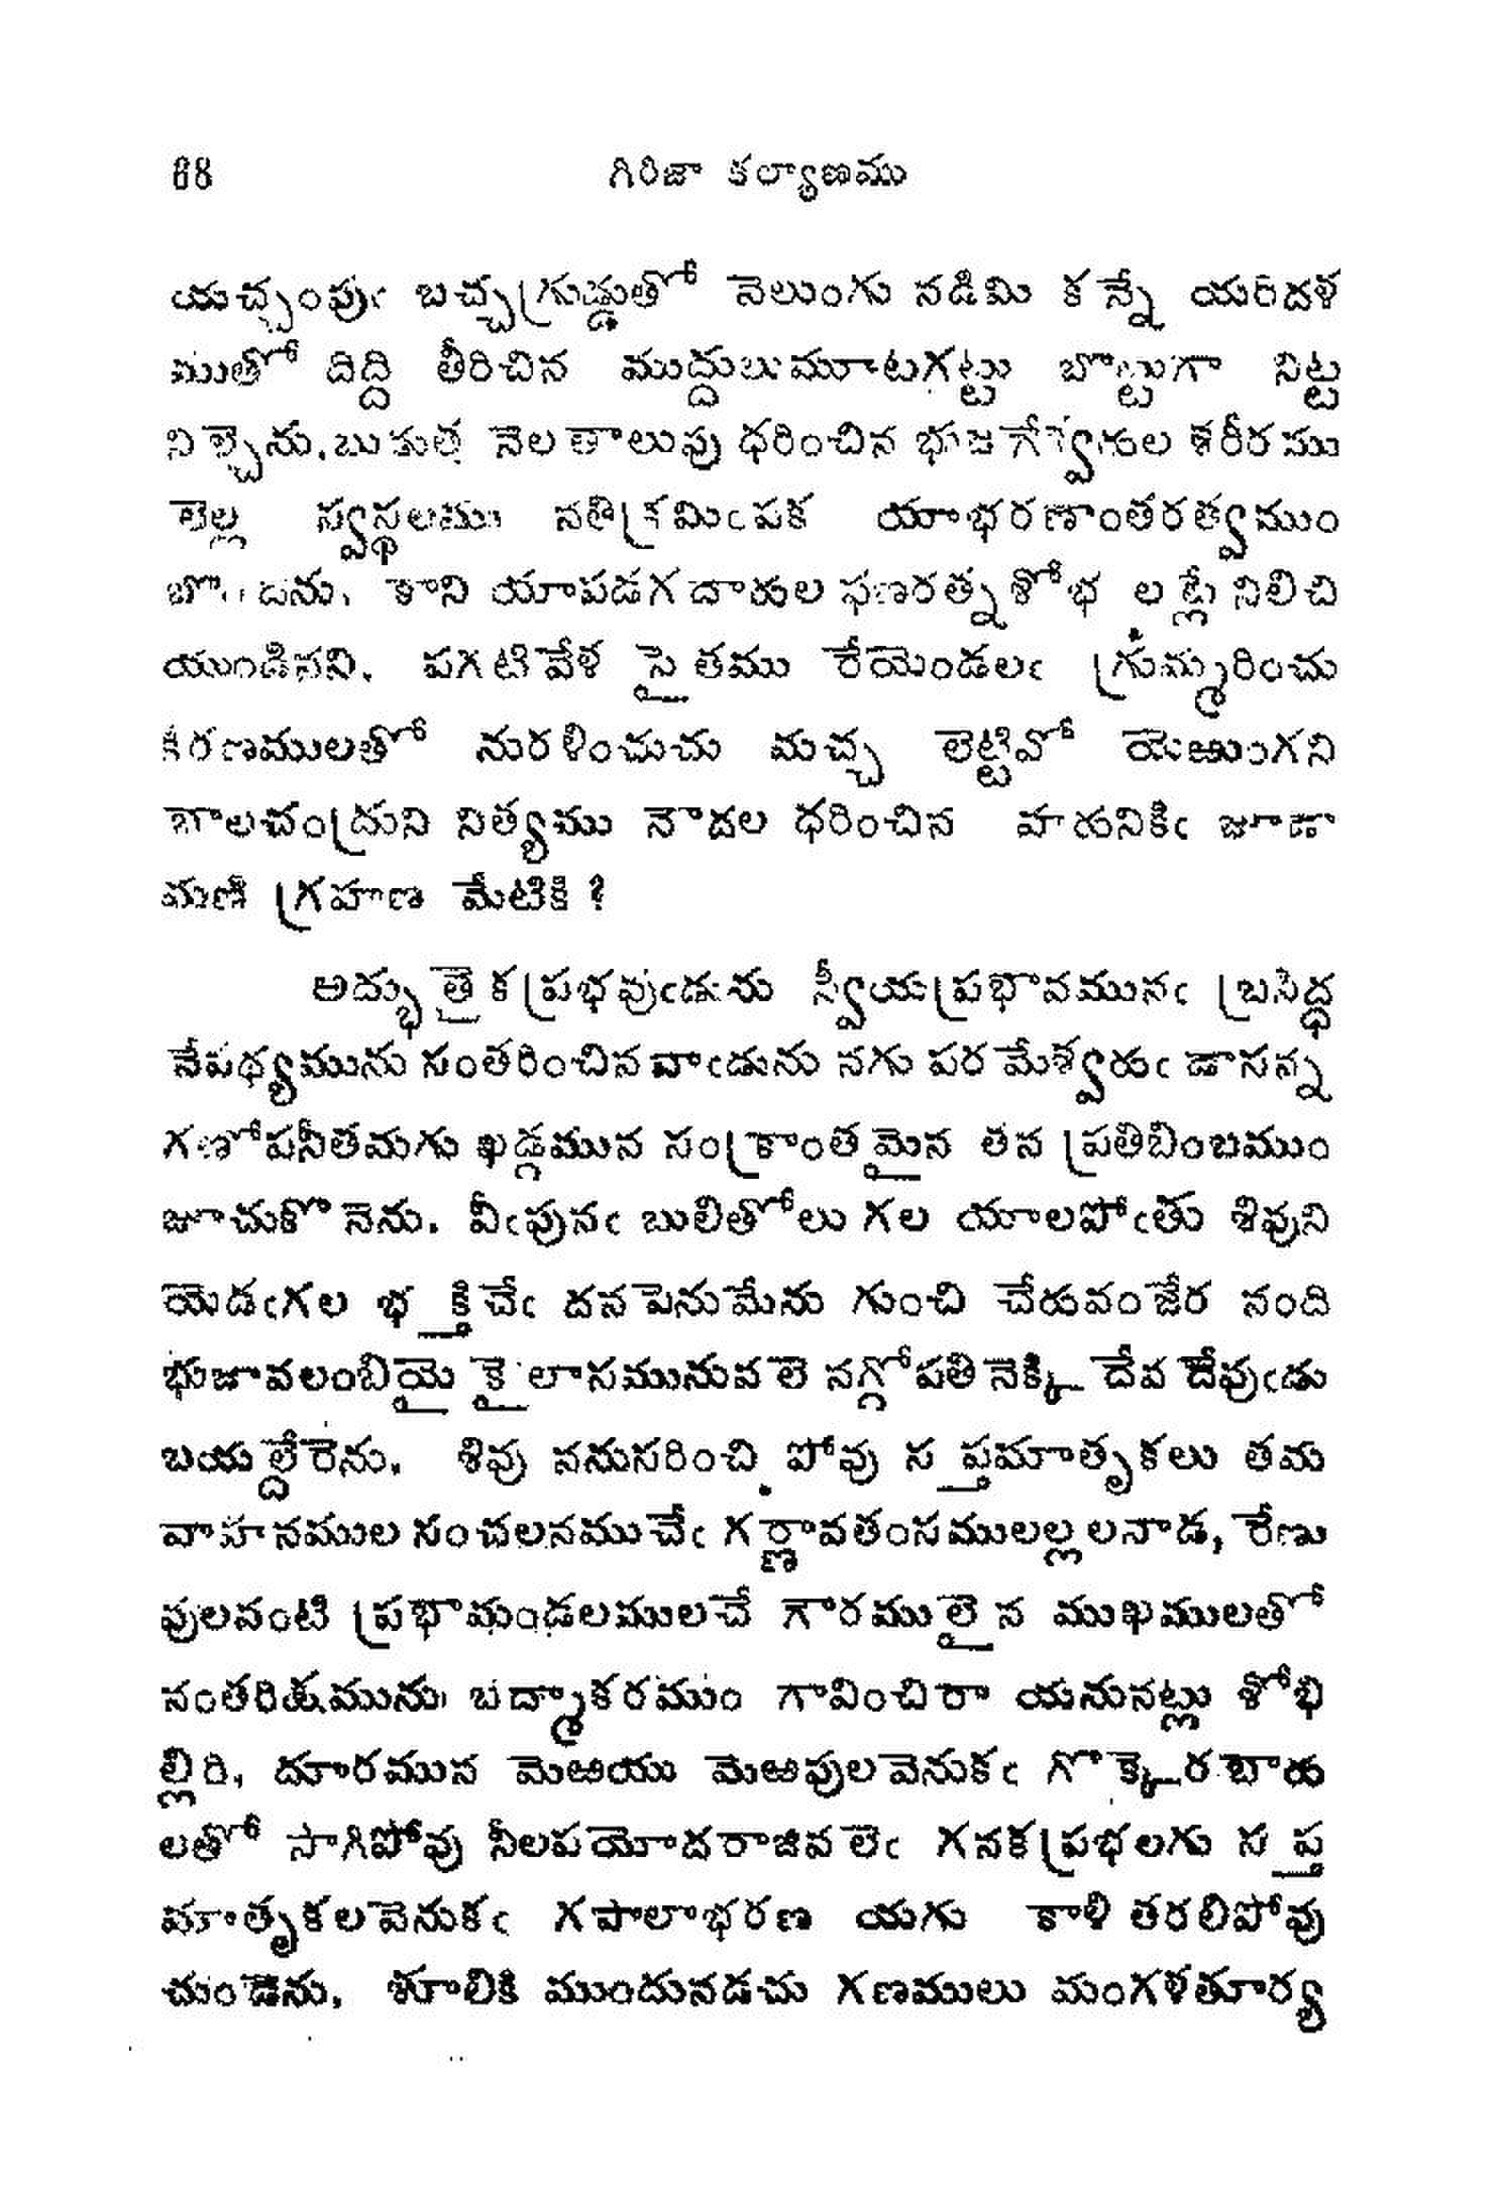యచ్చంపు: బచ్చగ్రుడ్డుతో వెలుంగు నడిమి కన్నే యరిదళముతో దిద్ది తీరిచిన ముద్దులు మూటగట్టు బొట్టుగా నిట్ట నిల్చెను,బుడుత నెలతాలుపు ధరించిన భుజగేశ్వరుల శరీరము లెల్ల స్వస్థలము నతిక్రమిఁపక యాభరణాంతరత్వముం
బొందెను, కాని యాపడగ దారుల ఫణరత్నశోభ లట్లే నిలిచి యుండినని, పగటివేళ సైతము రేయెండలఁ గ్రుమ్మరించు
కిరణములతో నురళించుచు మచ్చ లెట్టివో యెఱుంగని బాలచంద్రుని నిత్యము నౌదల ధరించిన హరునికిఁ జూడా
మణి గ్రహణ మేటికి?

అద్భుతైక ప్రభవుఁడును స్వీయప్రభావమునఁ బ్రసిద్ధ నేపథ్యమును సంతరించినవాఁడును నగు పరమేశ్వరుఁ డాసన్న
గణోపనీతమగు ఖడ్గమున సంక్రాంతమైన తన ప్రతిబింబముం జూచుకొనెను. వీఁపునఁ బులితోలు గల యాలపోఁతు శివుని
యెడఁగల భక్తి చేఁ దన పెనుమేను గుంచి చేరువంజేర నంది భుజవలంబియై కైలాసమునువలె సగ్గోపతి నెక్కి దేవ దేవుఁడు
బయల్దేరెను. శివు ననుసరించి పోవు సప్తమాతృకలు తమ వాహనముల సంచలనముచేఁ గర్ణావతంసములల్ల లనాడ, రేణు
వులవంటి ప్రభామండలములచే గౌరములైన ముఖములతో నంతరిక్షమును బద్మాకరముం గావించిరా యనునట్లు శోభిల్లిరి, దూరమున మెఱయు మెఱపుల వెనుకఁ గొక్కెర బారులతో సాగిపోవు నీలపయోదరాజివలెఁ గనక ప్రభలగు సప్తమాతృకల వెనుకఁ గపాలాభరణ యగు కాళి తరలిపోవు చుండెను, శూలికి ముందునడచు గణములు మంగళతూర్య